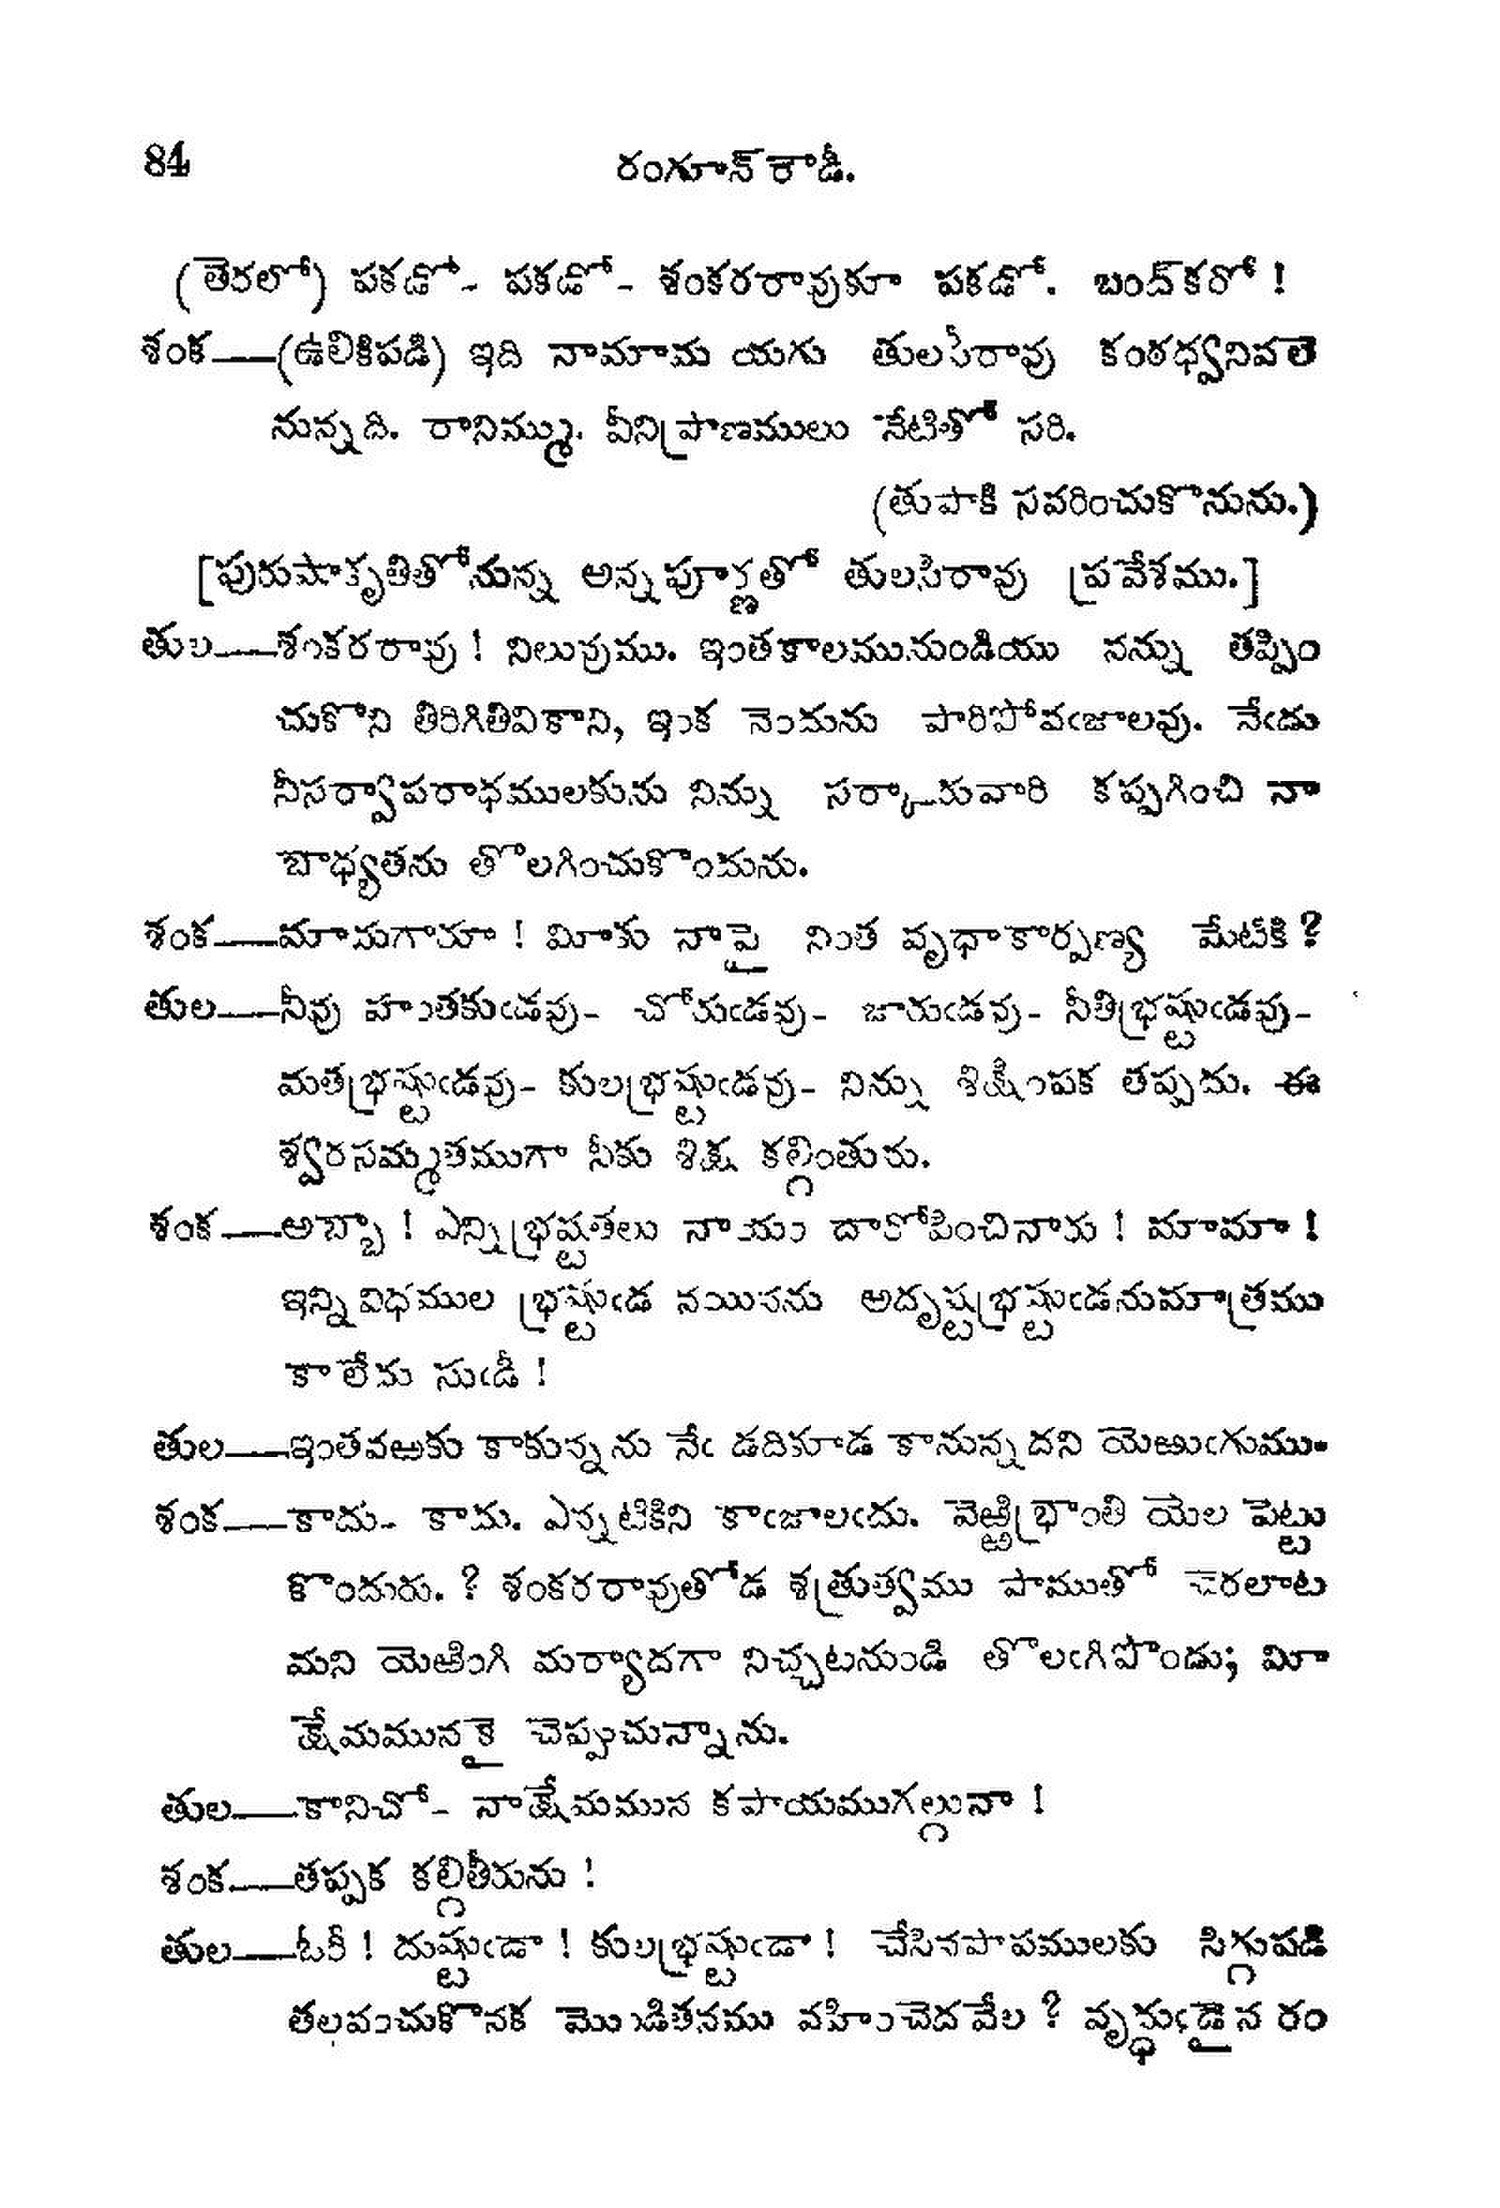(తెరలో) పకడో, పకడో, శంకరరావుకూ పకడో. బంద్‌కరో !

శంక - (ఉలికిపడి) ఇది నామామ యగు తులసీరావు కంఠధ్వనివలె నున్నది. రానిమ్ము. వీనిప్రాణములు నేటితో సరి.

తుల - శంకరరావు ! నిలువుము. ఇంతకాలమునుండియు నన్ను తప్పించుకొని తిరిగితివికాని, ఇంక నెందును పారిపోవఁజాలవు. నేఁడు నీసర్వాపరాధములకును నిన్ను సర్కారువారి కప్పగించి నా
బాధ్యతను తొలగించుకొందును.

శంక - మామగారూ ! మీకు నాపై నింత వృధాకార్పణ్య మేటికి ?

తుల - నీవు హంతకుఁడవు- చోరుఁడవు - జారుఁడవు - నీతిభ్రష్టుఁడవు - మతభ్రష్టుఁడవు - కులభ్రష్టుఁడవు- నిన్ను శిక్షంపక తప్పదు. ఈశ్వరసమ్మతముగా నీకు శిక్ష కల్గింతును.

శంక - అబ్బా ! ఎన్నిభ్రష్టతలు నాయం దారోపించినారు ! మామా! ఇన్నివిధముల భ్రష్టుఁడ నయినను అదృష్టభ్రష్టుఁడనుమాత్రము కాలేదు సుఁడీ!

తుల - ఇంతవఱకు కాకున్నను నేఁ డదికూడ కానున్నదని యెఱుఁగుము.

శంక -- కాదు. కాదు. ఎన్నటికిని కాఁజాలఁదు. వెఱ్ఱిభ్రాంతి యేల పెట్టుకొందరు. ? శంకరరావుతోడ శత్రుత్వము పాముతో చెరలాటమని యెఱింగి మర్యాదగా నిచ్చటనుండి తొలఁగిపొండు; మీ
క్షేమమునకై చెప్పుచున్నాను.

తుల - కానిచో. నాక్షేమమున కపాయముగల్గునా !

శంక - తప్పక కల్గితీరును .

తుల - ఓరీ ! దుష్టుఁడా ! కులభ్రష్టుఁడా ! చేసినపాపములకు సిగ్గుపడి తలవంచుకొనక మొండితనము వహించెదవేల? వృద్ధుఁడైన రం